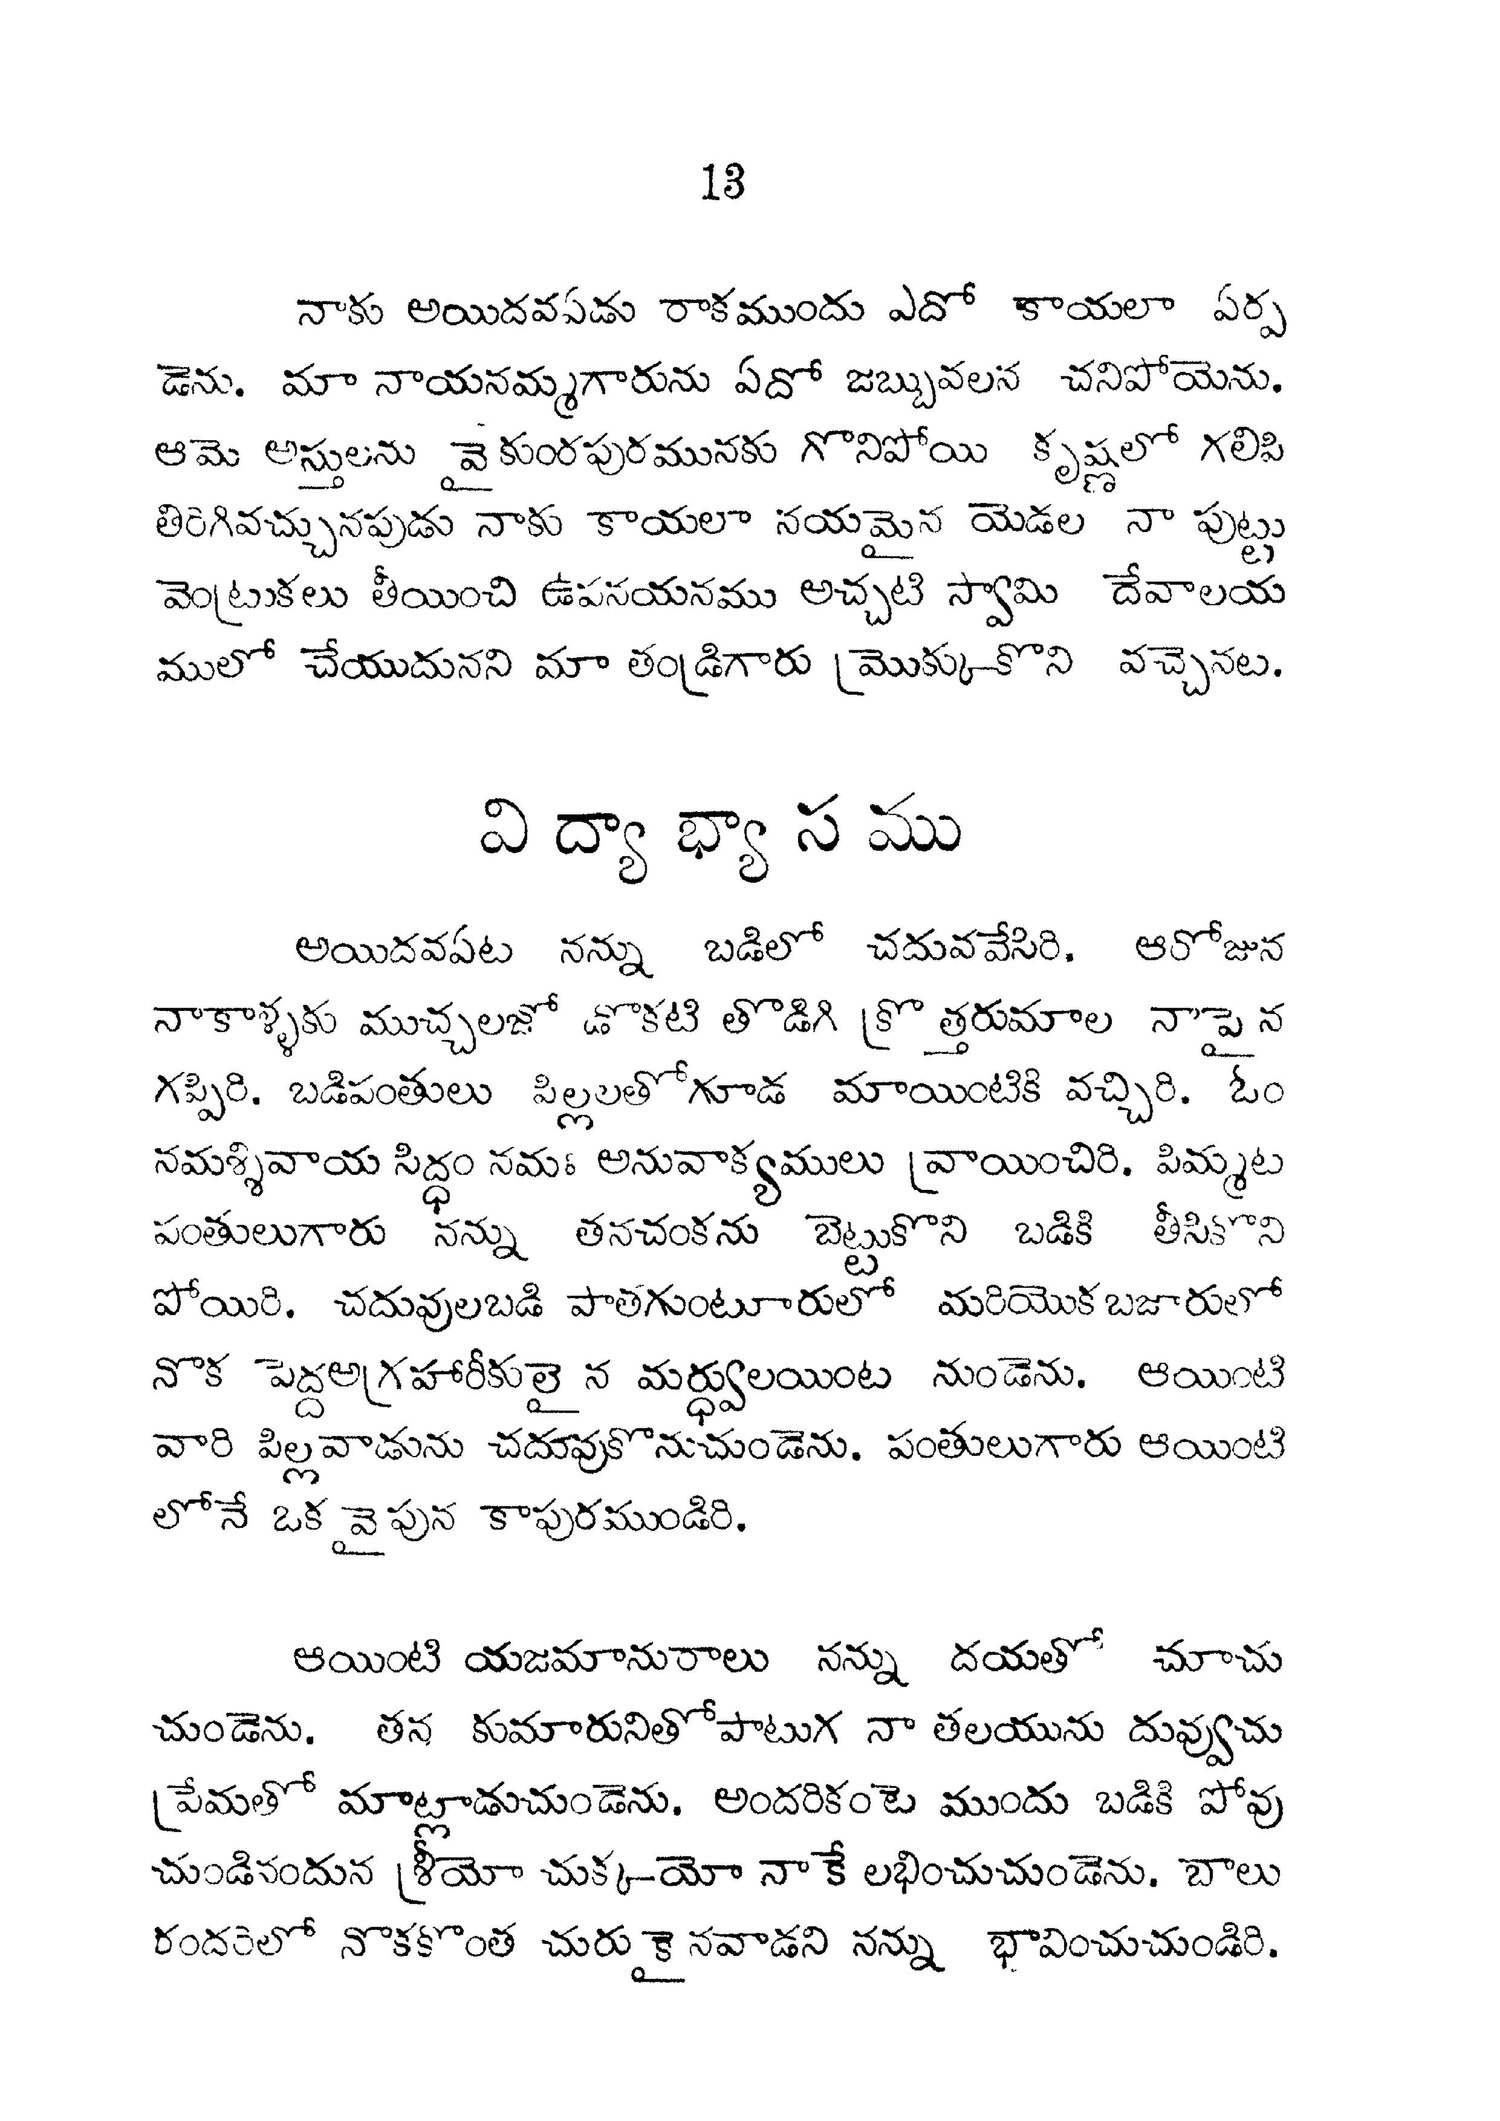నాకు అయిదవఏడు రాకముందు ఎదో కాయలా ఏర్పడెను. మా నాయనమ్మగారును ఏదో జబ్బువలన చనిపోయెను. ఆమె అస్తులను వైకుంఠపురమునకు గొనిపోయి కృష్ణలో గలిపి తిరిగివచ్చునపుడు నాకు కాయలా నయమైన యెడల నా పుట్టు వెంట్రుకలు తీయించి ఉపనయనము అచ్చటి స్వామి దేవాలయములో చేయుదునని మా తండ్రిగారు మ్రొక్కుకొని వచ్చెనట. 

అయిదవఏట నన్ను బడిలో చదువవేసిరి. ఆరోజున నాకాళ్ళకు ముచ్చలజో డొకటి తొడిగి క్రొత్తరుమాల నాపైన గప్పిరి. బడిపంతులు పిల్లలతోగూడ మాయింటికి వచ్చిరి. ఓం నమశ్శివాయ సిద్ధం నమ: అనువాక్యములు వ్రాయించిరి. పిమ్మట పంతులుగారు నన్ను తనచంకను బెట్టుకొని బడికి తీసికొనిపోయిరి. చదువులబడి పాతగుంటూరులో మరియొకబజారులో నొక పెద్దఅగ్రహారీకులైన మర్ధ్వులయింట నుండెను. ఆయింటివారి పిల్లవాడను చదువుకొనుచుండెను. పంతులుగారు ఆయింటిలోనే ఒక వైపున కాపురముండిరి.

ఆయింటి యజమానురాలు నన్ను దయతో చూచుచుండెను. తన కుమారునితోపాటుగ నా తలయును దువ్వుచు ప్రేమతో మాట్లాడుచుండెను. అందరికంటె ముందు బడికి పోవుచుండినందున శ్రీయో చుక్కయో నాకే లభించుచుండెను. బాలు రందరిలో నొకకొంత చురుకైనవాడని నన్ను భావించుచుండిరి.